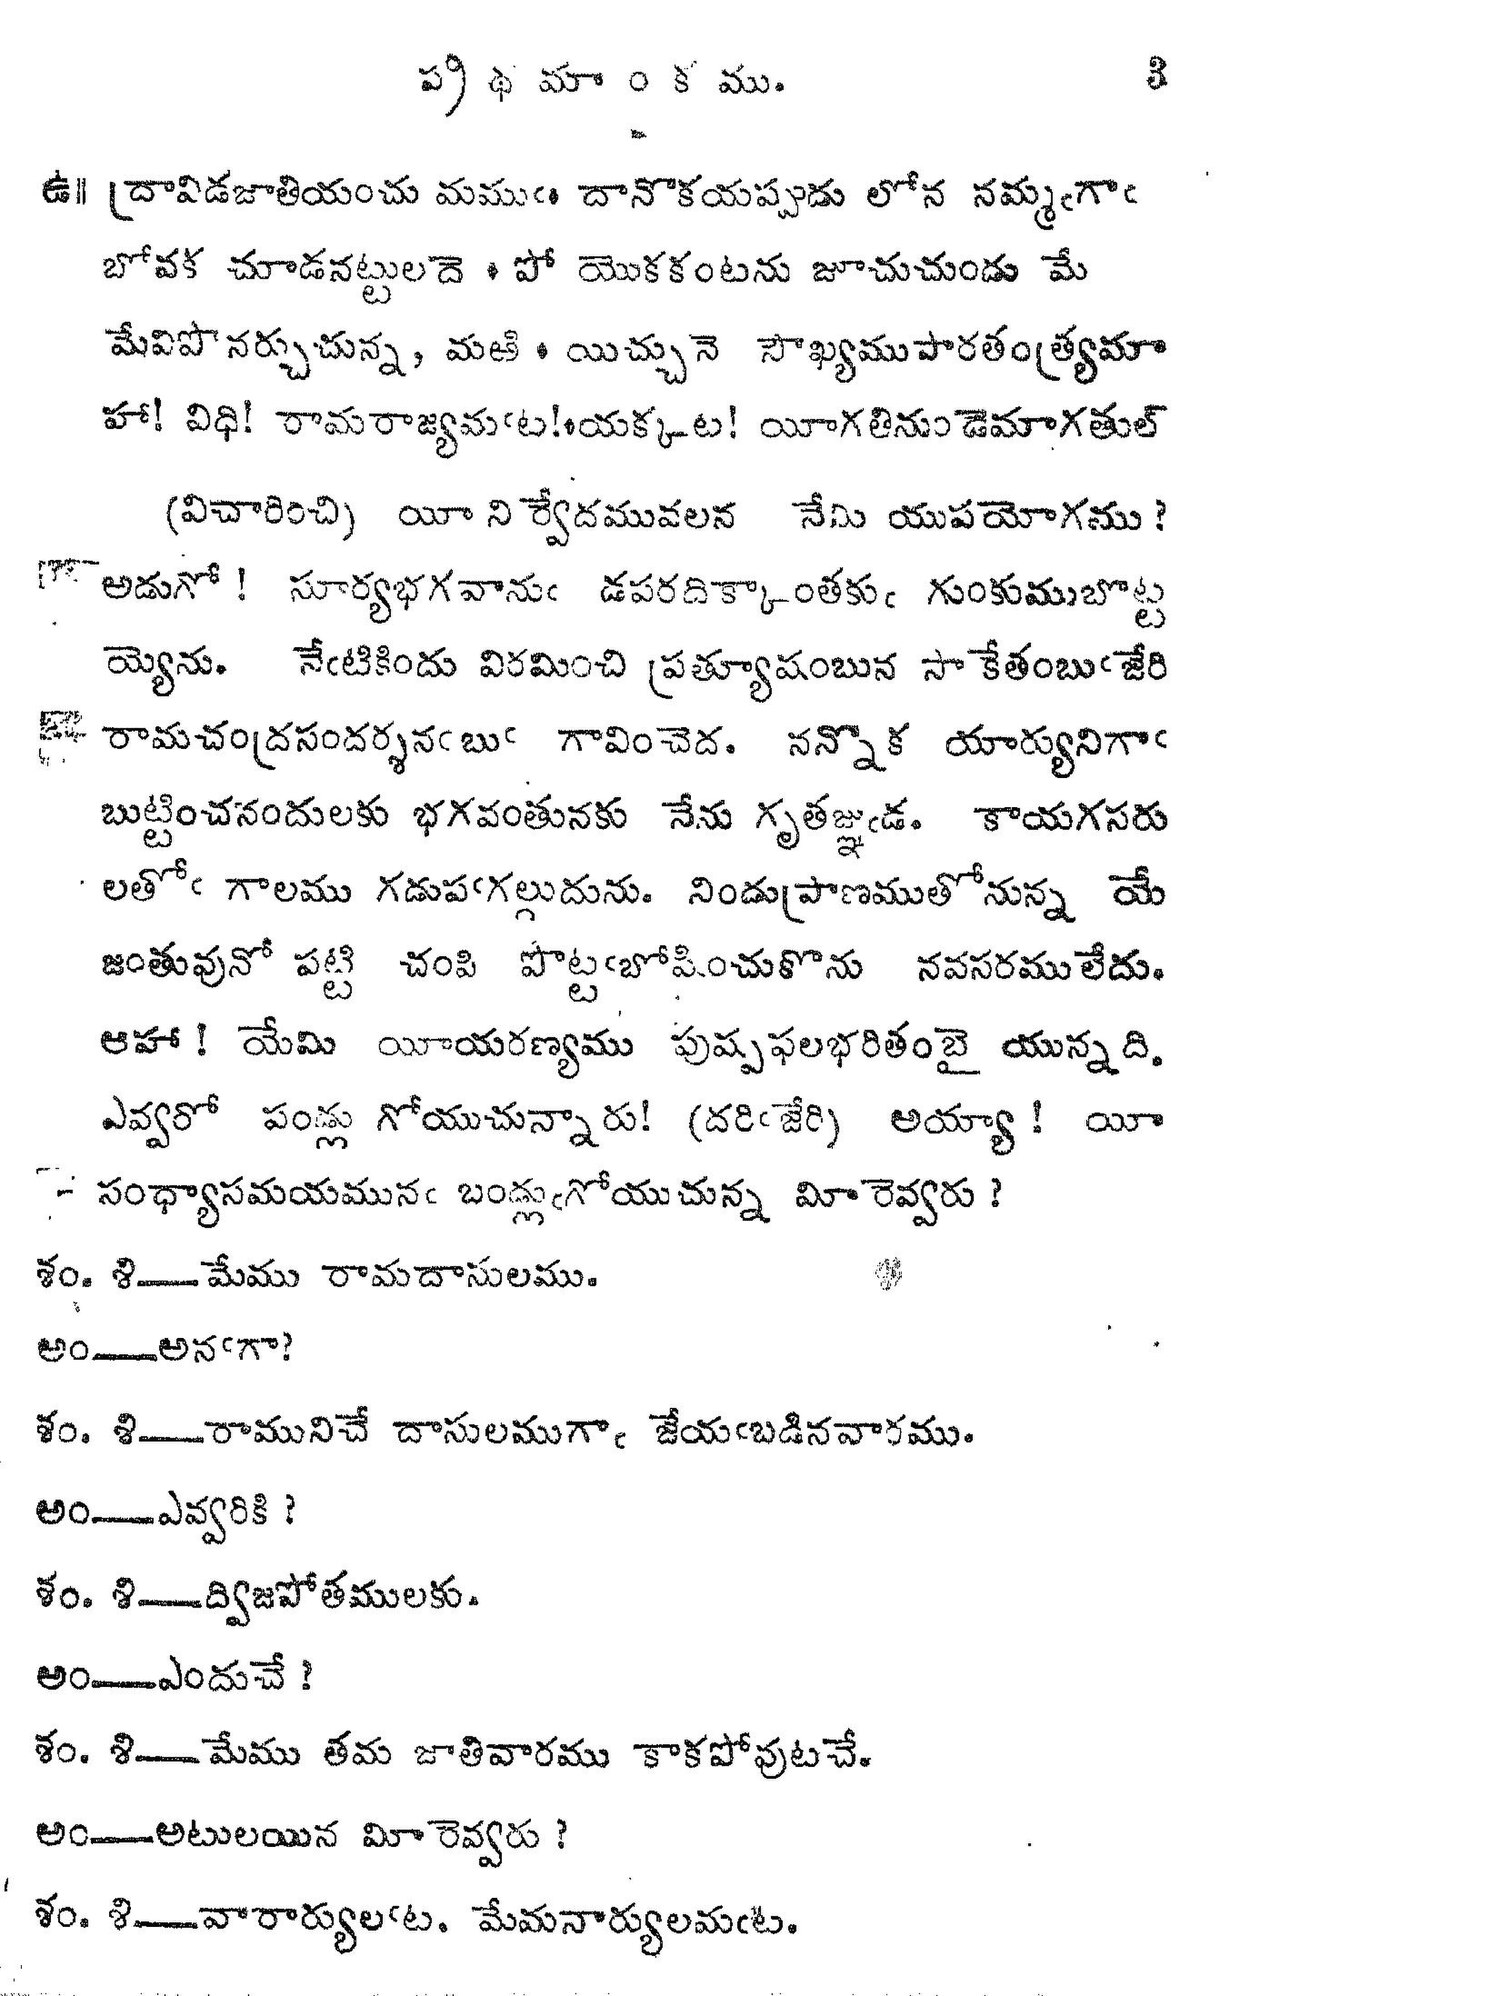ఉ|| ద్రావిడ జాతియంచు మముఁ దానొకయప్పుడు లోన నమ్మఁగాఁ
 బోవక చూడనట్టులదె • పో యొక కంటను జూచుచుండు మే
 మేవి పొనర్చుచున్న , మ • యిచ్చునె సౌఖ్యము పారతంత్ర్యమా
 హా! విధి! రామరాజ్యమట!!యక్కట! యీగతినుం డెమాగతుల్

 (విచారించి, యీ నిర్వేదమువలన నేమి యుపయోగము?

 అడుగో ! సూర్యభగవానుఁ డపరదిక్కాంతకు, గుంకుముబొట్ట
 య్యెను. నేఁటికిందు విరమించి ప్రత్యూషంబున సాకేతంబుఁ జేరి
 రామచంద్రసందర్శనఁబుఁ గావించెద. నన్నొక యార్యునిగాఁ
 బుట్టించ నందులకు భగవంతునకు నేను గృతజ్ఞుఁడ. కాయగసరు
 లతోఁ గాలము గడుపఁ గల్గుదును. నిండుప్రాణముతో నున్న యే
 జంతువునో పట్టి చంపి పొట్టఁబోషించుకొను నవసరము లేదు.
 ఆహా ! యేమి యీయరణ్యము పుష్పఫలభరితంబై యున్నది.
 ఎవ్వరో పండ్లు గోయుచున్నారు! (దరిఁ జేరి) అయ్యా ! యీ
 సంధ్యాసమయమునఁ బండ్లు గోయుచున్న వారెవ్వరు ?

శం. మేము రామదాసులము.
అం ...... అనగా?
శం...... . శ్రీ రామునిచే దాసులముగాఁ జేయఁబడినవారము.
అం.... ..ఎవ్వరికి ?
శం. ... ..శి----ద్విజపోతములకు .
అం. ..ఎందుచే!
శం. . మేము తమ జాతివారము కాకపోవుటచే.
అం. ..అటులయిన మీరెవ్వరు ?
శం... . శి----వారార్యులట, "మేమనార్యులమఁట.